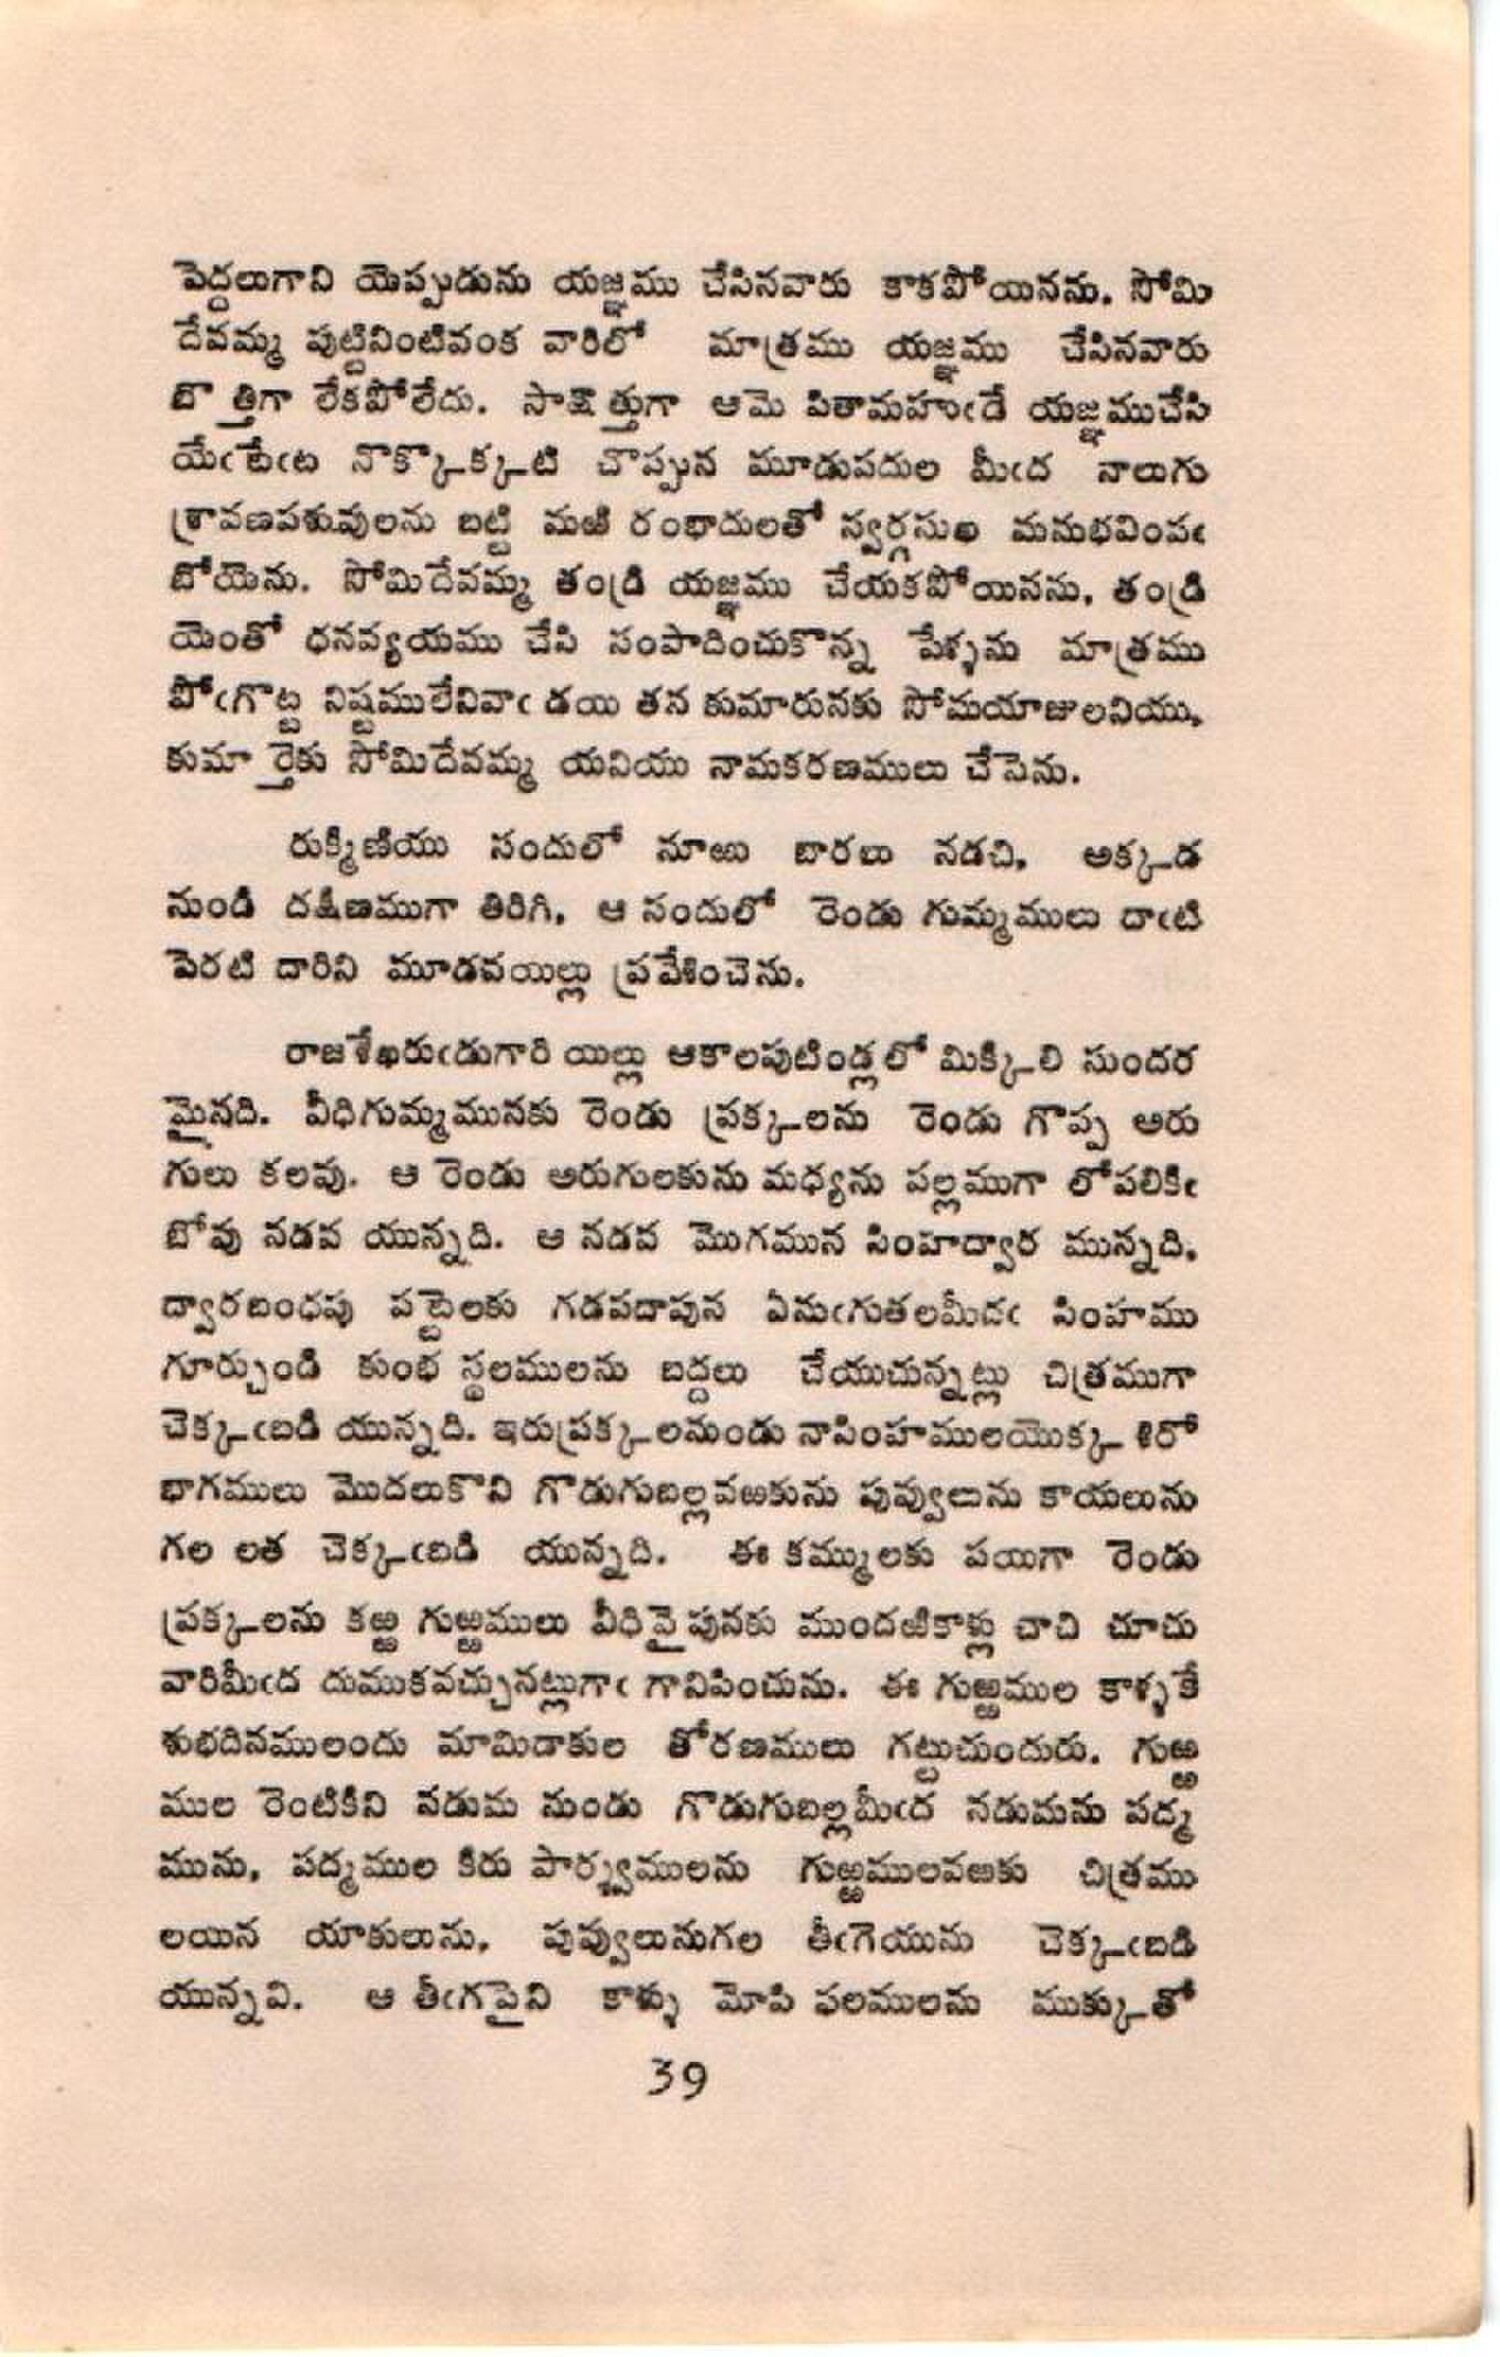పెద్దలుగాని యెప్పడును యజ్ఞము చేసినవారు కాకపోయినను, సోమి దేవమ్మ పుట్టినింటివంక వారిలో మాత్రము యజ్ఞము చేపినవారు బొత్తిగా లేకపోలేదు. సాక్షాత్తుగా ఆమె పితామహుఁడే యజ్ఞముచేసి యేటేట నొక్కొక్కటి చొప్పున మూడుపదుల మీఁద నాలుగు శ్రావణపశువులను బట్టి మఱి రంభాదులతో స్వర్గసుఖ మనుభవింపఁ బోయెను. సోమిదేవమ్మ తండ్రి యజ్ఞము చేయకపోయినను, తండ్రి యెంతో ధనవ్యయము చేసి సంపాదించుకొన్న పేళ్ళను మాత్రము పోగొట్ట నిష్టములేనివాఁడయి తన కుమారునకు సోమయాజులనియు, కుమార్తెకు సోమిదేవమ్మ యనియు నామకరణములు చేసెను.

రుక్మిణియు సందులో నూఱు బారలు నడచి, అక్కడ నుండి దక్షిణముగా తిరిగి, ఆ సందులో రెండు గుమ్మములు దాఁటి పెరటి దారిని మూడవయిల్లు ప్రవేశించెను.

రాజశేఖరుఁడుగారి యిల్లు ఆకాలపుటిండ్లలో మిక్కిలి సుందర మైనది. వీధి గుమ్మమునకు రెండు ప్రక్కలను రెండు గొప్ప అరుగులు కలవు. ఆ రెండు ఆరుగులకును మధ్యను పల్లముగా లోపలికిఁ బోవ నడవ యున్నది. ఆ నడవ మొగమున సింహద్వార మున్నది. ద్వారబంధపు పట్టెలకు గడపదాపున ఏనుఁగుతలమీద సింహము గూర్చుండి కుంభ స్థలములను బద్దలు చేయుచున్నట్లు చిత్రముగా చెక్కబడి యున్నది. ఇరుప్రక్కలనుండు నాసింహములయొక్క శిరో భాగములు మొదలుకుని గొడుగుబల్లవఱకును పువ్వులను కాయలను గల లత చెక్కఁబడియున్నది. ఈ కమ్ములకు పయిగా రెండు ప్రక్కలను కఱ్ఱ గుఱ్ఱములు వీధి వైపునకు ముందఱి కాళ్ళు చాచి చూచు వారిమీఁద దుముకవచ్చునట్లుగాఁ గానిపించును. ఈ గుఱ్ఱముల కాళ్ళకే శుభదినములందు మామిడాకుల తోరణములు గట్టుచుందురు. గుఱ్ఱముల రెంటికిని నడుమ నుండు గొడుగుబల్లమీఁద నడుమను పద్మ మును, పద్మముల కిరు పార్శ్వములను గుఱ్ఱములవఱకు చిత్రము లయిన యాకులను, పువ్వులనుగల తీఁగెయును చెక్కఁబడి యున్నవి. ఆ తీగపైని కాళ్ళు మోపి ఫలములను ముక్కుతో